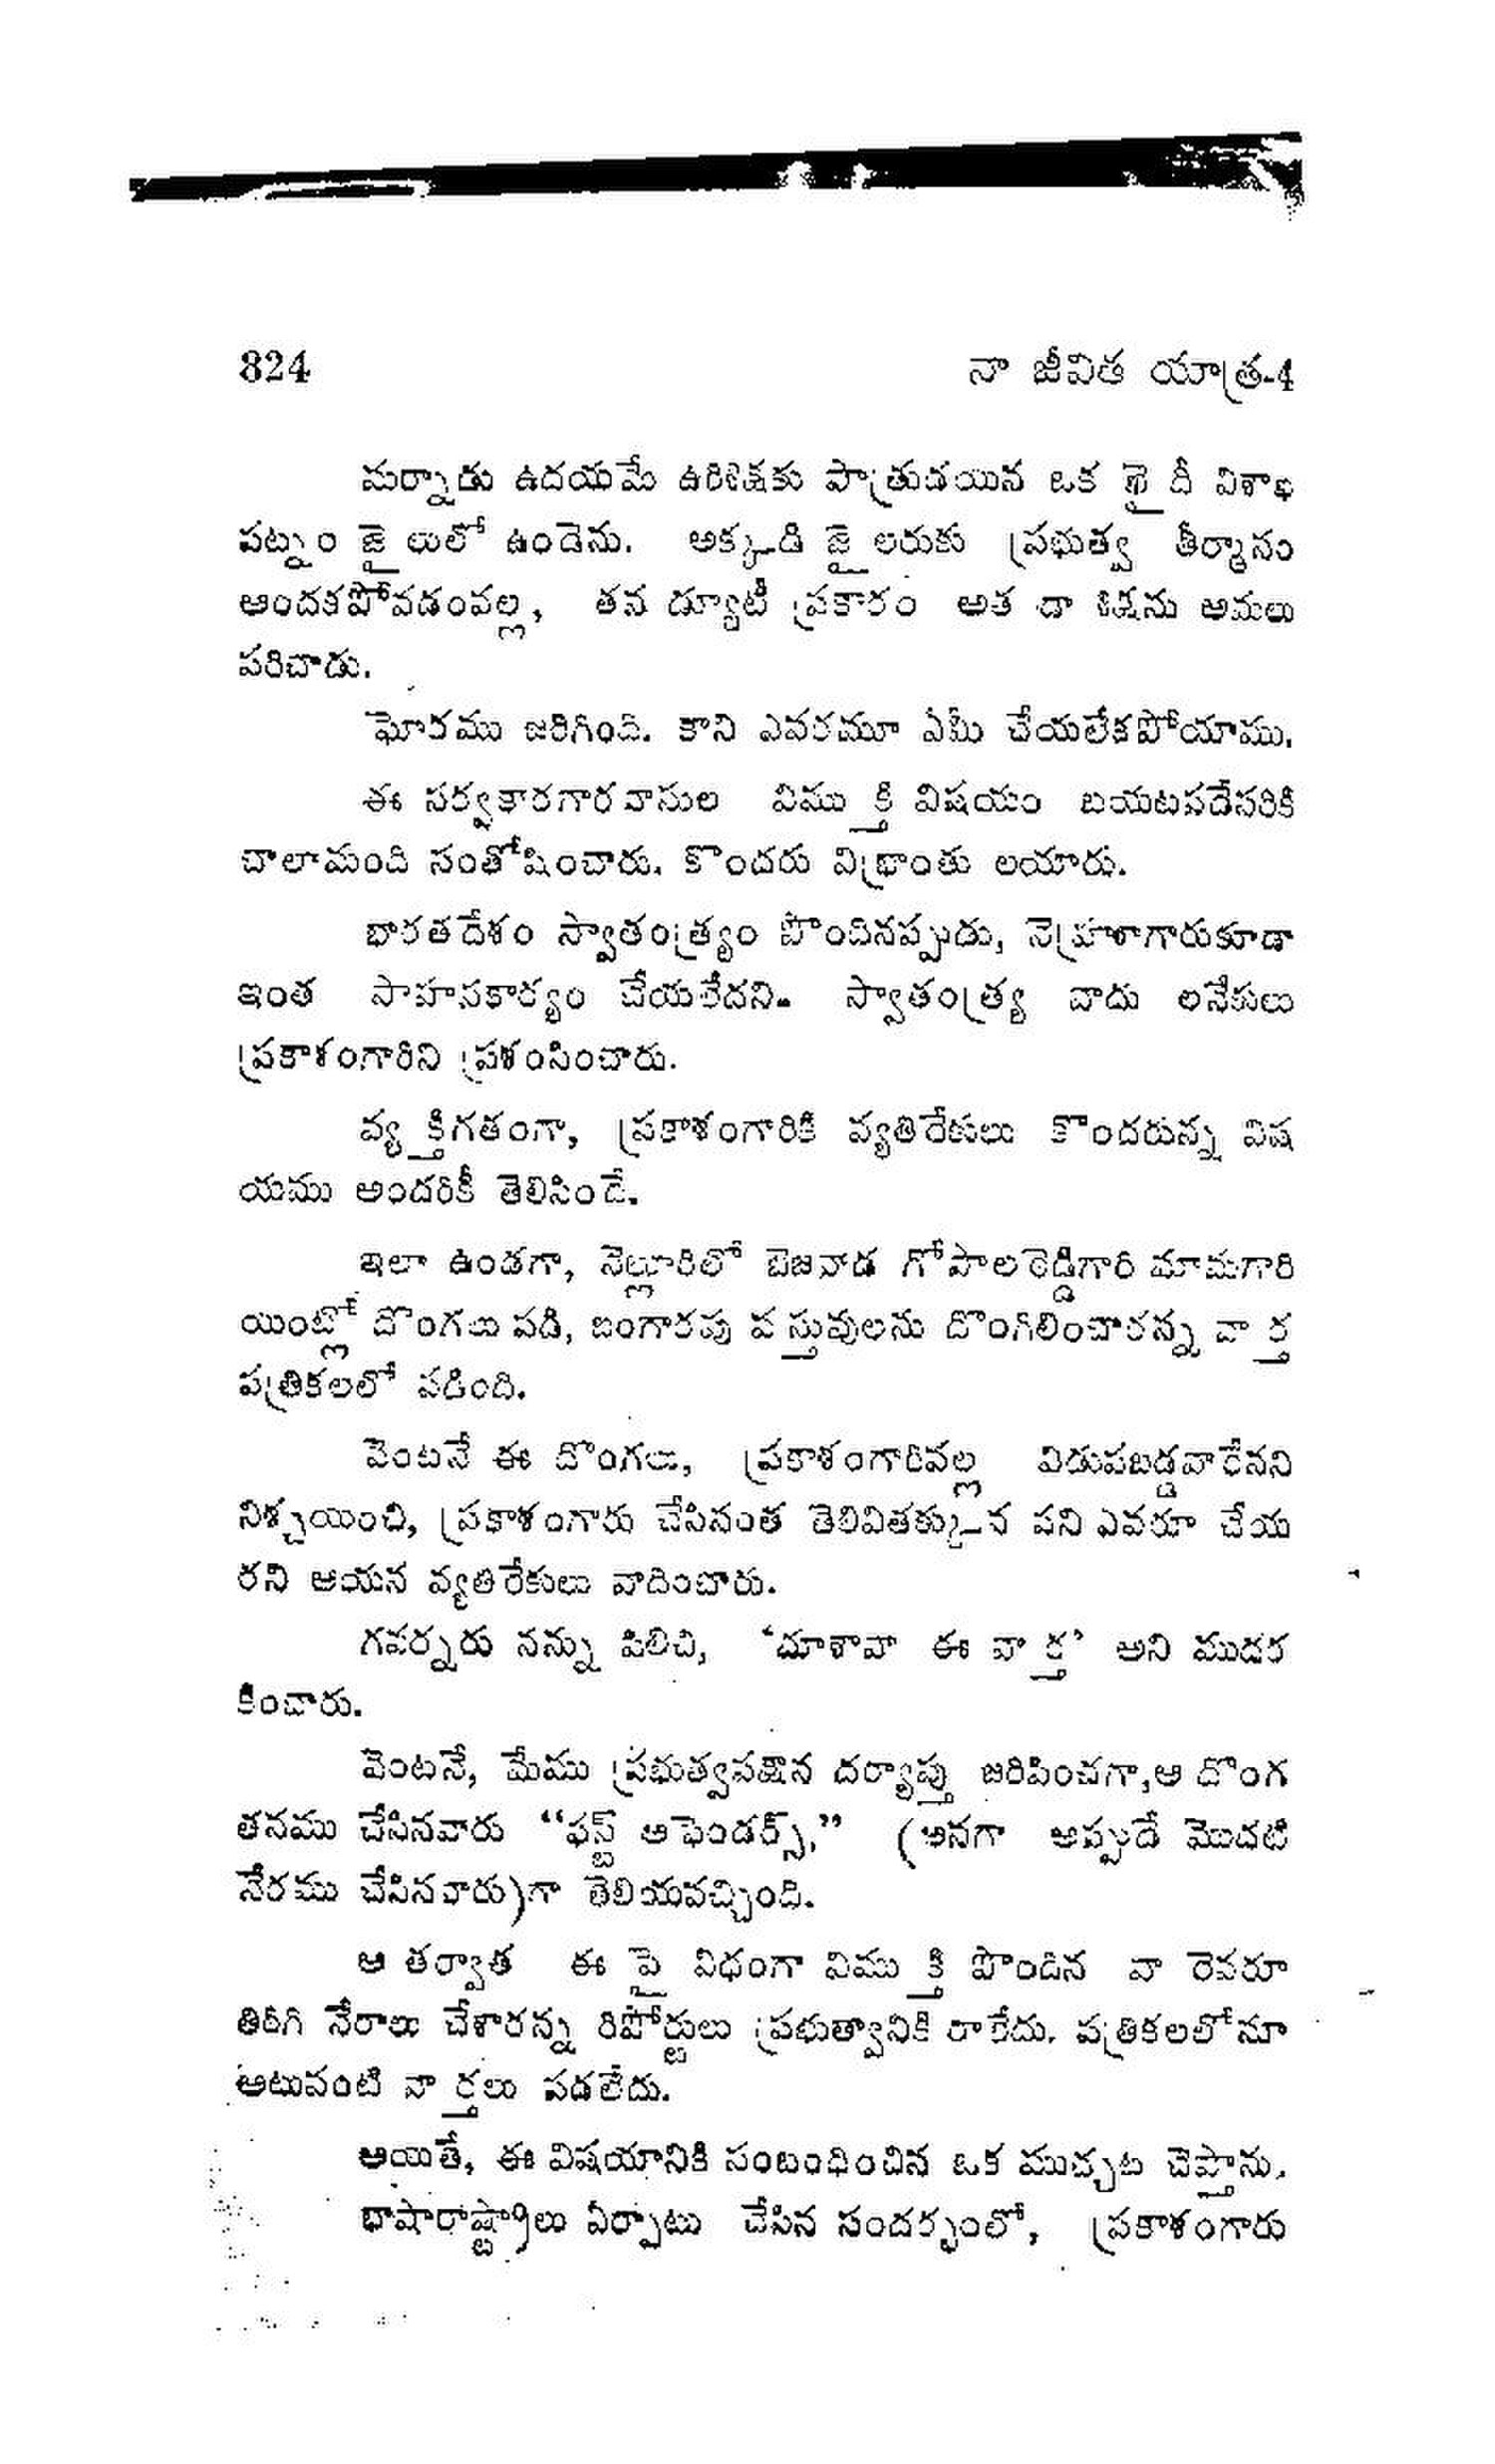మర్నాడు ఉదయమే ఉరిశిక్షకు పాత్రుడయిన ఒక ఖైదీ విశాఖపట్నం జైలులో ఉండెను. అక్కడి జైలరుకు ప్రభుత్వ తీర్మానం అందకపోవడంవల్ల, తన డ్యూటీ ప్రకారం అత డా శిక్షను అమలు పరిచాడు.

ఘోరము జరిగింది. కాని ఎవరమూ ఏమీ చేయలేకపోయాము.

ఈ సర్వకారగారవాసుల విముక్తి విషయం బయటపడేసరికి చాలామంది సంతోషించారు. కొందరు విభ్రాంతు లయారు.

భారతదేశం స్వాతంత్ర్యం పొందినప్పుడు, నెహ్రూగారుకూడా ఇంత సాహసకార్యం చేయలేదని - స్వాతంత్ర్య వాదు లనేకులు ప్రకాశంగారిని ప్రశంసించారు.

వ్యక్తిగతంగా, ప్రకాశంగారికి వ్యతిరేకులు కొందరున్న విషయము అందరికీ తెలిసిందే.

ఇలా ఉండగా, నెల్లూరిలో బెజవాడ గోపాలరెడ్డిగారి మామగారి యింట్లో దొంగలుపడి, బంగారపు వస్తువులను దొంగలించారన్న వార్త పత్రికలలో పడింది.

వెంటనే ఈ దొంగలు, ప్రకాశంగారివల్ల విడువబడ్డవారేనని నిశ్చయించి, ప్రకాశంగారు చేసినంత తెలివితక్కువ పని ఎవరూ చేయరని ఆయన వ్యతిరేకులు వాదించారు.

గవర్నరు నన్ను పిలిచి, 'చూశావా ఈ వార్త' అని ముదర కించారు.

వెంటనే, మేము ప్రభుత్వపక్షాన దర్యాప్తు జరిపించగా, ఆ దొంగతనము చేసినవారు "ఫస్ట్ అఫెండర్స్," (అనగా అప్పుడే మొదటి నేరము చేసినవారు)గా తెలియవచ్చింది.

ఆ తర్వాత ఈ పై విధంగా విమిక్తి పొందిన వా రెవరూ తిరిగి నేరాలు చేశారన్న రిపోర్టులు ప్రభుత్వానికి రాలేదు. పత్రికలలోనూ అటువంటి వార్తలు పడలేదు.

అయితే, ఈ విషయానికి సంబంధించిన ఒక ముచ్చట చెప్తాను.

భాషారాష్ట్రాలు ఏర్పాటు చేసిన సందర్భంలో, ప్రకాశంగారు